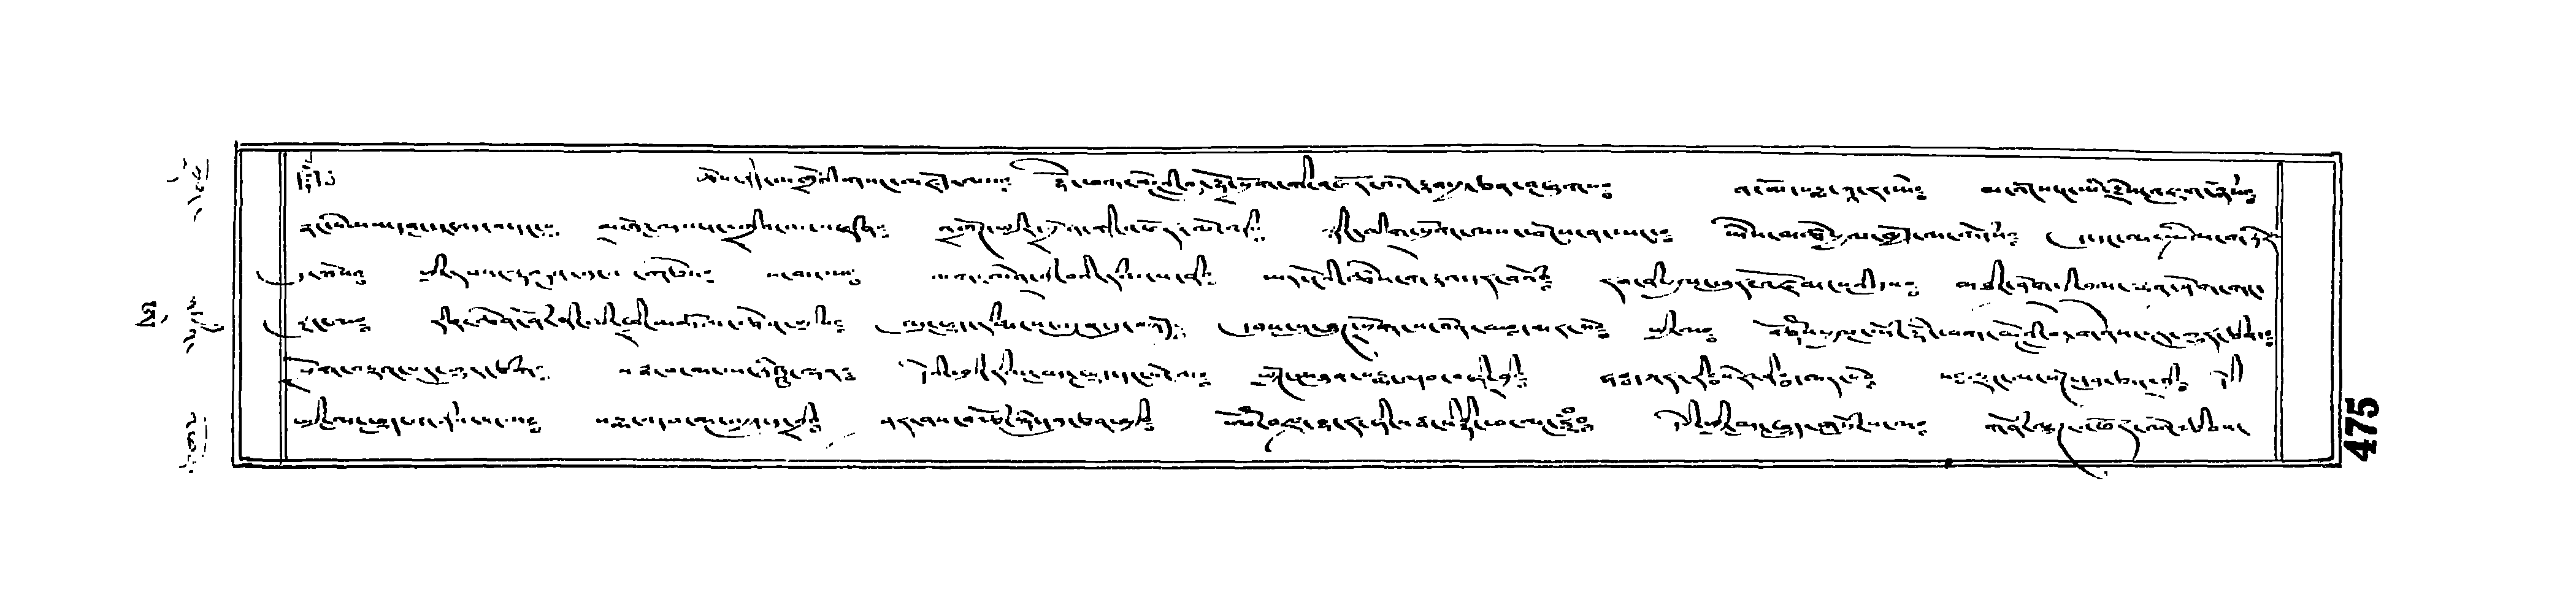ཆོས་ཉིད་མཁའ་འགྲོའི་གསང་མཛོད་ལས༔ རྡོ་རྗེ་ཕག་མོའི་བླ་རྡོ་སྲོག་གི་འཁོར་ལོ་ཟབ་རྒྱ་ཅན་བཞུགས༔ ན་མོ་པདྨ་ཀཱ་ར་ཡེ༔ མ་འོངས་ང་ཡི་རྗཻས་འཇུག་རྣམས༔ 
སྣང་སེམས་དབང་དུ་འདུ་བ་དང༔ མཁའ་འགྲོ་ལུས་དང་གྲིབ་མ་བཞིན༔ འགྲོགས་ཕྱིར་སྲོག་གི་འཁོར་ལོ་འདི༔ སྙིང་མིག་སྲོག་ལས་ཕངས་ན་ཡང༔ ཡེ་ཤེས་མཚོ་རྒྱལ་ཁྱོད་ལ་གདམས༔ ད་དུང་མ་སྤེལ་གཏེར་
དུ་སྦོས༔ ཕྱི་རབས་སྐལ་ལྡན་བུ་ལ་གཅོལ༔ ས་མ་ཡ༔ ལག་ལེན་བྲི་བའི་རིམ་པ་ནི༔ ཡར་ངོའི་ཚེས་གཟའ་དར་བའམ༔ རབ་ནི་རྒྱལ་ཕུར་འཛོམས་པའི་དུས༔ མཐིང་ཤོག་དྲི་བྲལ་སྨན་ཤོག་གང་
རུང་ལ༔ རིན་ཆེན་ནམ་ནི་ལི་ཁྲི་མཚལ་ཆེན་གྱིས༔ མུ་ཁྱུད་རིམ་པ་བདུན་དུ་བཀོད༔ དབུས་སུ་ཐུགས་སྲོག་ས་བོན་མཿདམར་པོ༔ ཕྱི་ལ༔ བཅོམ་ལྡན་འདས་རྒྱལ་ཡུམ་རྡོ་རྗེ་ཕག་མོའི་བླ་གནས་པར་གྱུར་ཅིག༔ 
སྲོག་བརྟན་པར་གྱུར་ཅིག༔ སརྦ་ས་མ་ཏིཥྛ་ལྷན༔ དེའི་ཕྱི་རིམ་མུ་ཁྱུད་དང་པོ་ལ༔ ཕྱོགས་མཐུན་པདྨ་འདབ་བཞི་བྲི༔ ཧཿདཀར་རིཿསེར་ནིཿདམར་པོཿ སཿལྗང་ལ་སོགས་དབུ་ཅན་བྲི༔ དེའི་
ཕྱི་མུ་ཁྱུད་གཉིས་པ་ལ༔ པདྨ་འདབ་མ་བརྒྱད་དུ་བྲི༔ ཤར་ནས་བརྩམ་སྟེ་དབུ་ཅན་གྱི༔ ཨོཾ་བཛྲ་བྷ་ར་ཧི་སརྦ་སིདྡྷི་ཕ་ལ་ཧཱུྃཿ དེའི་ཕྱིར་མུ་ཁྱུད་གསུམ་པ་ལ༔ གནམ་ལྕགས་འཁོར་ལོ་རྩིབས་